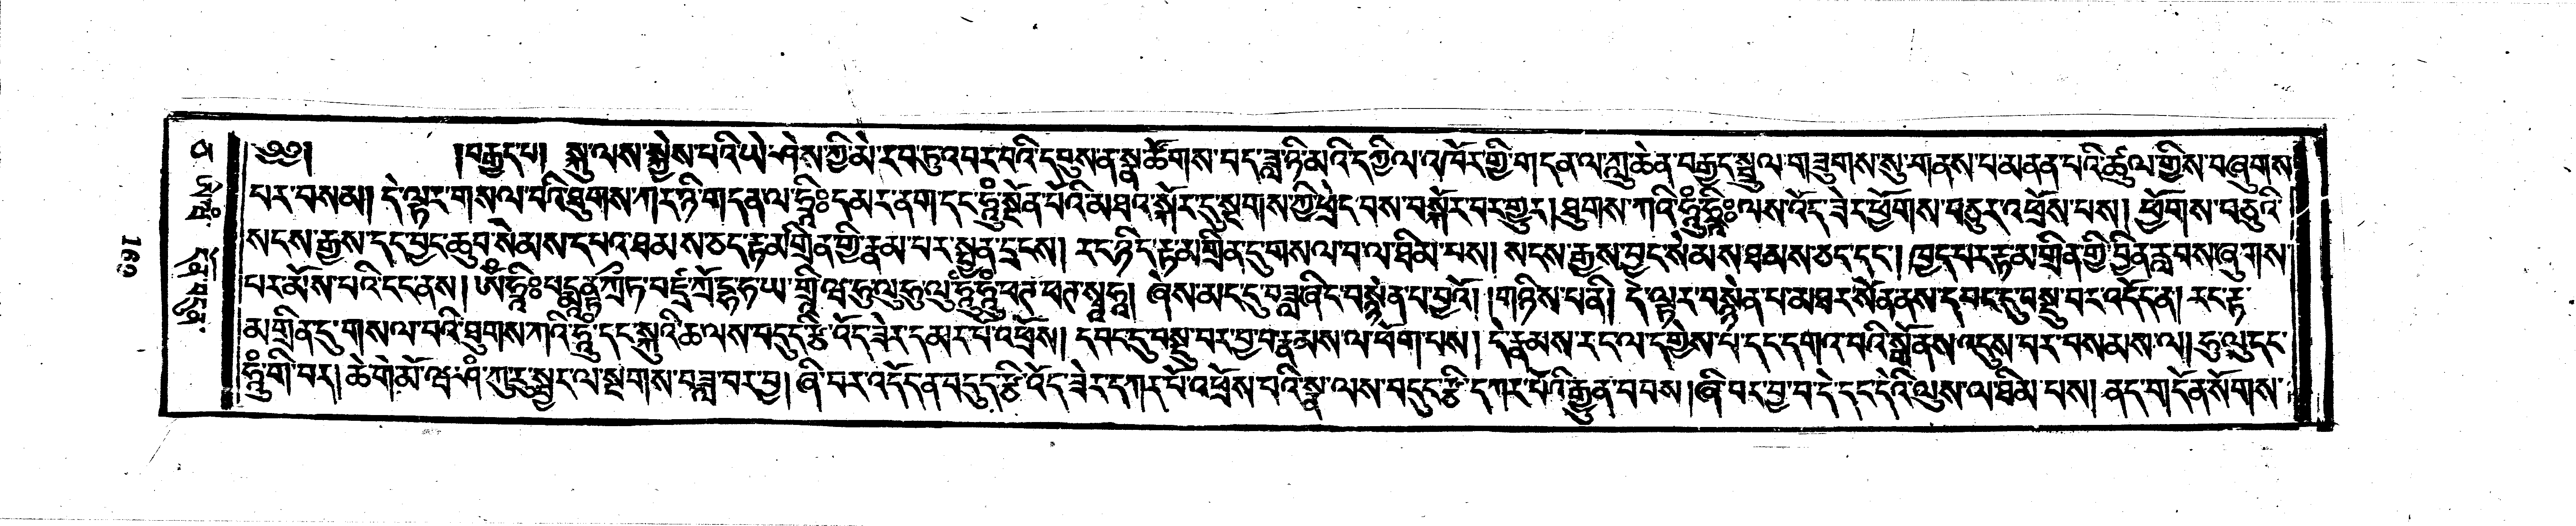༄༅། །བརྒྱད་པ། སྐུ་ལས་སྐྱེས་པའི་ཡེ་ཤེས་ཀྱི་མེ་རབ་ཏུ་འབར་བའི་དབུས་ན་སྣ་ཚོགས་པད་ཟླ་ཉི་མའི་དཀྱིལ་འཁོར་གྱི་གདན་ལ་ཀླུ་ཆེན་བརྒྱད་སྦྲུལ་གཟུགས་སུ་གནས་པ་མནན་པའི་ཚུལ་གྱིས་བཞུགས་
པར་བསམ། དེ་ལྟར་གསལ་བའི་ཐུགས་ཀར་ཉི་གདན་ལ་ཧྲཱིཿ དམར་ནག་དང་ཧཱུཾ་སྔོན་པོའི་མཐའ་སྐོར་དུ་སྔགས་ཀྱི་ཕྲེང་བས་བསྐོར་བར་གྱུར། ཐུགས་ཀའི་ཧཱུཾ་ཧྲཱིཿ ལས་འོད་ཟེར་ཕྱོགས་བཅུར་འཕྲོས་པས། ཕྱོགས་བཅུའི་
སངས་རྒྱས་དང་བྱང་ཆུབ་སེམས་དཔའ་ཐམས་ཅད་རྟ་མགྲིན་གྱི་རྣམ་པར་སྤྱན་དྲངས། རང་ཉིད་རྟ་མགྲིན་དུ་གསལ་བ་ལ་ཐིམ་པས། སངས་རྒྱས་བྱང་སེམས་ཐམས་ཅད་དང་། ཁྱད་པར་རྟ་མགྲིན་གྱི་བྱིན་རླབས་ཞུགས་
པར་མོས་པའི་ངང་ནས། ཨོཾ་ཧྲཱིཿ པདམཱནྟ་གྲྀཏ་བཛྲ་ཀྲོ་དྷ་ཧ་ཡ་གྲཱི་ཝ་ཧུ་ལུ་ཧུ་ལུ་ཧཱུཾ་ཧཱུཾ་ཕཊ་ཕཊ་སྭཱཧཱ། ཞེས་མང་དུ་བཟླ་ཞིང་བསྙེན་པ་བྱའོ། །གཉིས་པ་ནི། དེ་ལྟར་བསྙེན་པ་མཐར་སོན་ནས་དབང་དུ་བསྡུ་བར་འདོད་ན། རང་རྟ་
མགྲིན་དུ་གསལ་བའི་ཐུགས་ཀའི་ཧཱུཾ་དང་སྐུའི་ཆ་ལས་བདུད་རྩི་འོད་ཟེར་དམར་པོ་འཕྲོས། དབང་དུ་བསྡུ་བར་བྱ་བ་རྣམས་ལ་ཕོག་པས། དེ་རྣམས་རང་ལ་དགྱེས་པ་དང་དགའ་བའི་སྒོ་ནས་འདུས་པར་བསམས་ལ། ཧུ་ལུ་དང་
ཧཱུཾ་གི་བར། ཆེ་གེ་མོ་ཝ་ཤཾ་ཀུ་རུ་སྦྱར་ལ་སྔགས་བཟླ་བར་བྱ། ཞི་བར་འདོད་ན་བདུད་རྩི་འོད་ཟེར་དཀར་པོ་འཕྲོས་པའི་སྣ་ལས་བདུད་རྩི་དཀར་པོའི་རྒྱུན་བབས། ཞི་བར་བྱ་བ་དེ་དང་དེའི་ལུས་ལ་ཐིམ་པས། ནད་གདོན་སོགས་